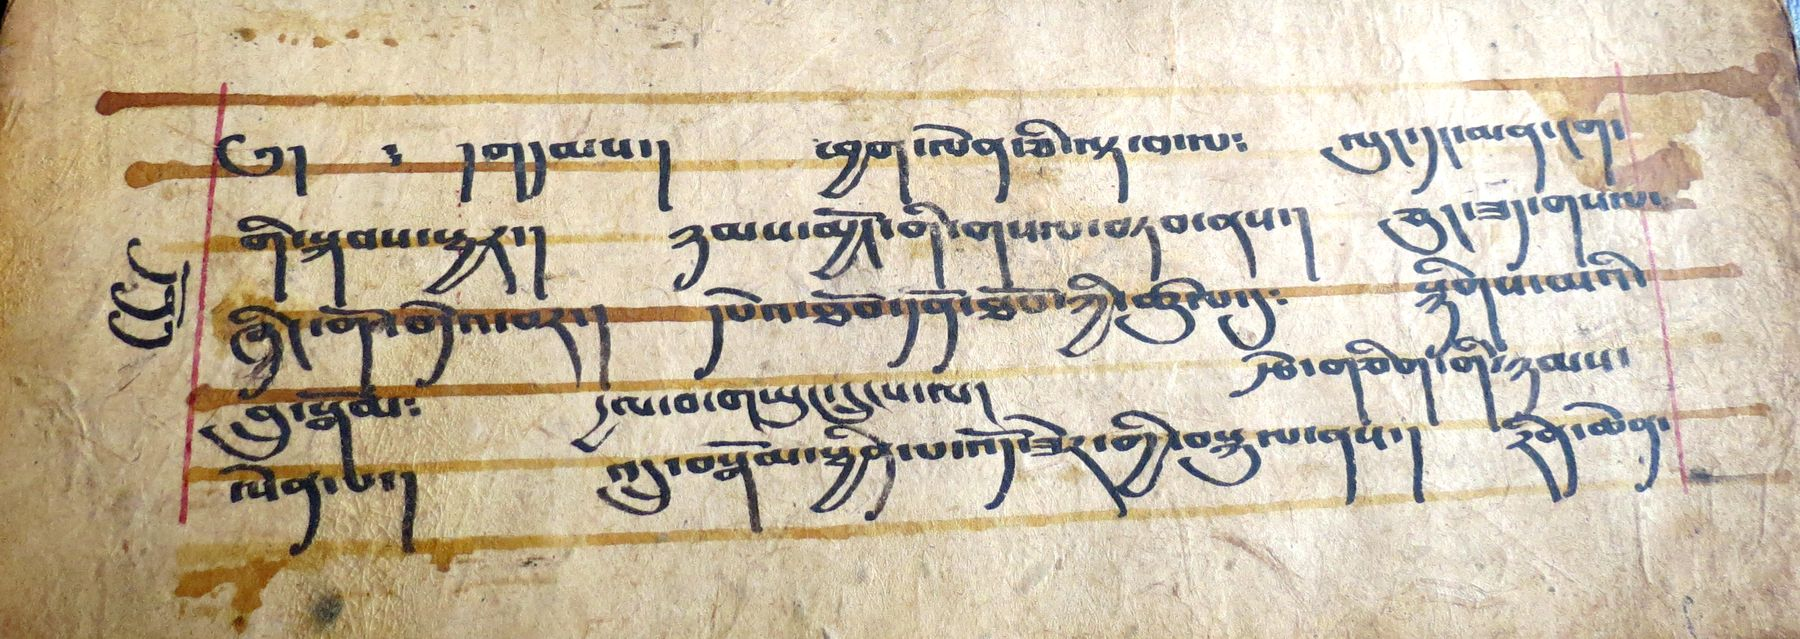གདམས། ཕྱག་ལེན་ཇི་ལྟ་བ་ལ། ལུང་དང་མན་ངག་
གིས་སྐབས་སྦྱར། ཉམས་མྱོང་གིས་གསལ་བཏབ་ནས། ཅུང་ཟད་གསལ་
ཞིང་གོ་བདེ་བར། དཔེ་ཐོབ་དོན་ཐོབ་ཀྱི་ཚུལ་དུ། སྙིགས་མའི་
བྲུ་སྒོམ། རྒྱལ་བ་གཡུང་དྲུང་ལ། རྩེ་གཅིག་གི་ཉམས་
ལེན་པ། འགྲུ་སྒོམ་སྦྱིན་པ་འོད་ཟེིར་གྱིས་བསྐུལ་ནས། རིན་ཆེན་